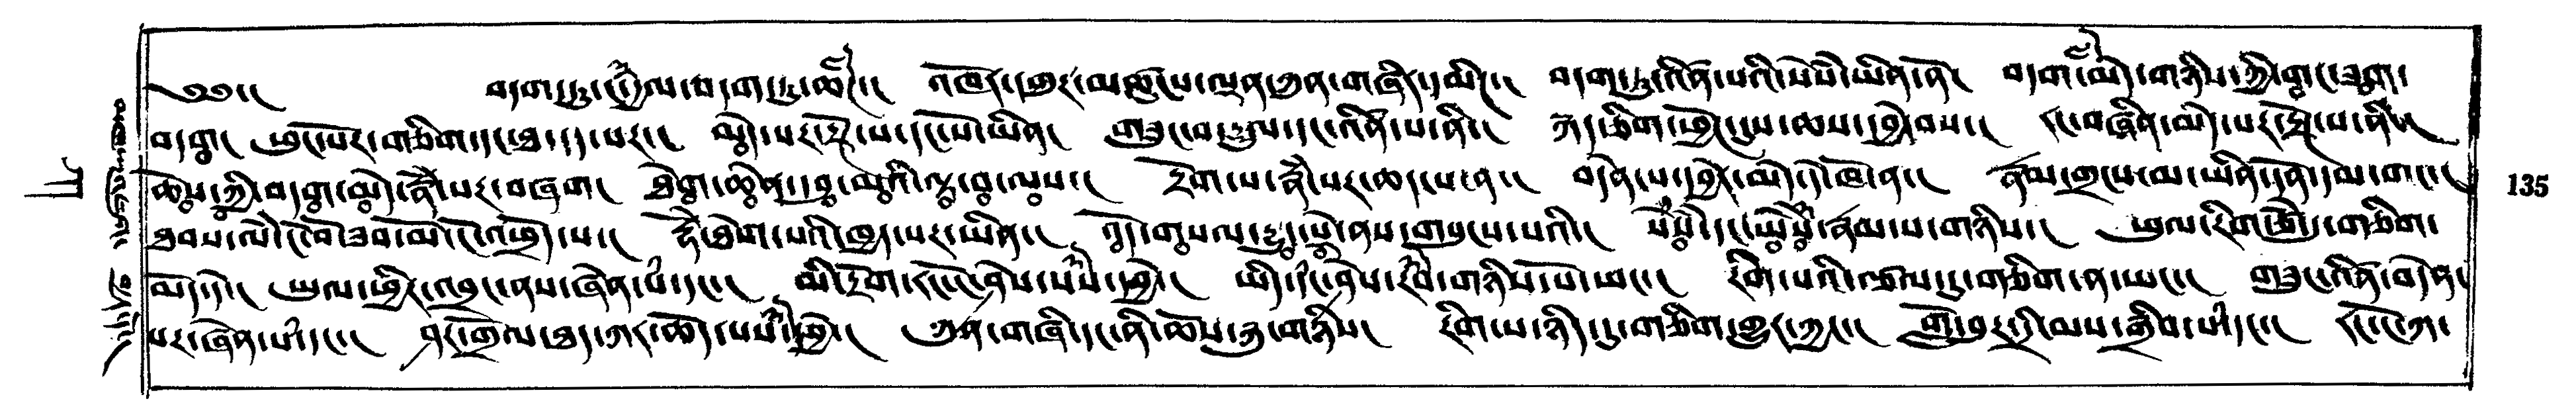།བདག་ཏུ་ང་རྒྱལ་བདག་ཏུ་ཆགས། །འཁོར་དགུར་མཚུངས་ལྡན་ཀུན་གཞིར་དམིགས། །བདག་ཏུ་འཛིན་པའི་སེམས་ཡིན་ནོ། །བདག་མེད་གཉིས་ཀྱི་གང་ཟག་
བདག །ཕུང་པོ་གཅིག་དང་ཐ་དད་པར། །མེད་པར་རྟོགས་པ་དང་པོ་ཡིན། །གཟུང་བ་རྡུལ་དང་འཛིན་པ་ནི། །སྐད་ཅིག་ཕྱོགས་དུས་ཆས་དབྱེ་བས། །རང་བཞིན་མེད་པར་རྟོགས་པ་ནི། །
ཆོས་ཀྱི་བདག་མེད་རྣམ་པར་བཞག །ཐེག་ཆེན་དབུ་མའི་ལྟ་བ་ལ། །རྟོག་པ་རྣམ་པར་ཆད་པ་ན། །བདེན་པ་དབྱེར་མེད་དེ་ཁོ་ན། །རྣམ་གྲངས་མ་ཡིན་དོན་དམ་གང་། །
ཐབས་ལམ་ཟབ་མོ་ངོ་འཕྲོད་པ། །རྡོ་རྗེ་ཐེག་པའི་ཁྱད་པར་ཡིན། །འོད་གསལ་རྒྱུད་སྡེ་ནས་གསུངས་པའི། །སེམས་དང་ཡེ་ཤེས་རྣམ་པ་གཉིས། །ཡུལ་རིག་ཙམ་དུ་གཅིག་
མོད་དེ། །ཡུལ་ཕྱིར་འབྲང་ནས་ཞེན་པ་དང་། །མི་རྟོག་རང་ངོ་ཤེས་པས་དབྱེ། །ཡིད་དང་ཤེས་རབ་གཉིས་པོ་ཡང་། །རིག་པའི་རྩལ་དུ་གཅིག་ན་ཡང་། །གཟུང་འཛིན་བདེན་
པར་ཞེན་པ་དང་། །ཤར་གྲོལ་ཐད་ཀར་ཆོད་པས་ཕྱེ། །ཀུན་གཞི་དང་ནི་ཆོས་སྐུ་གཉིས། །རིག་པ་ཉིད་དུ་གཅིག་གྱུར་ཀྱང་། །གློ་བུར་དྲི་མས་བསྒྲིབས་པ་དང་། །རང་ངོ་ཀ་